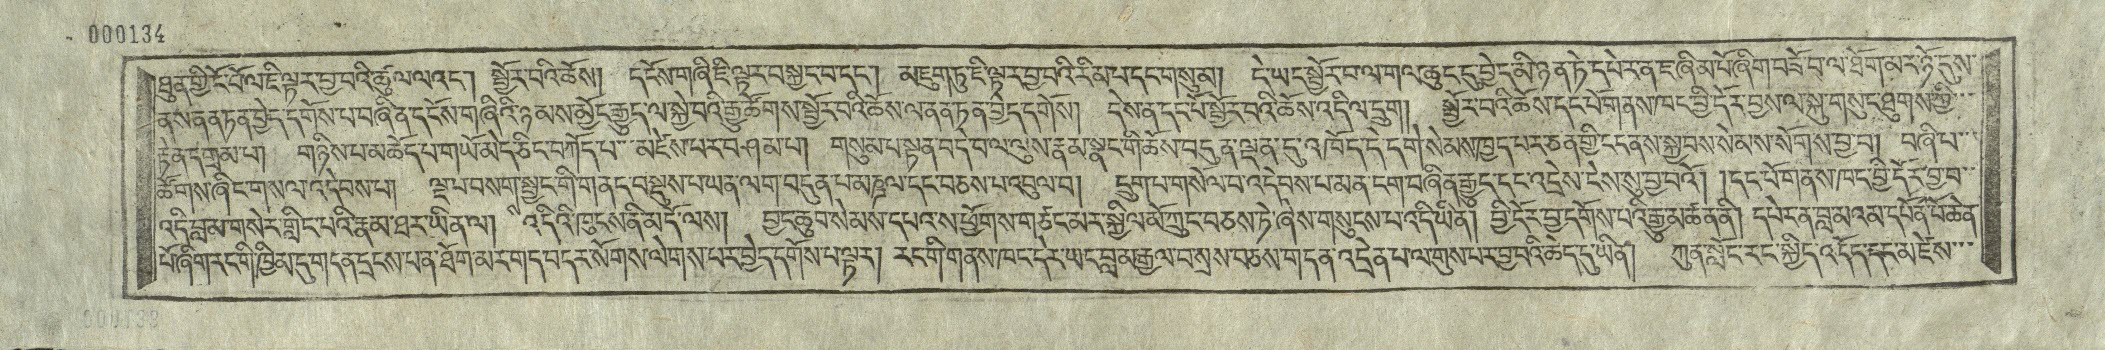ཐུན་གྱི་ངོ་བོ་ལ་ཇི་ལྟར་བྱ་བའི་ཚུལ་ལའང་། སྦྱོར་བའི་ཆོས། དངོས་གཞི་ཇི་ལྟར་བསྐྱང་བ་དང་། མཇུག་ཏུ་ཇི་ལྟར་བྱ་བའི་རིམ་པ་དང་གསུམ། དེ་ཡང་སྦྱོར་བ་ལ་གལ་ཆུང་དུ་བྱེད་མི་ཉན་ཏེ་དཔེར་ན་ཇ་ཞིམ་པོ་ཞིག་བཟོ་བ་ལ་ཐོག་མར་ཉོ་དུས་
ནས་ནན་ཏན་བྱེད་དགོས་པ་བཞིན་དངོས་གཞིའི་ཉམས་མྱོང་རྒྱུད་ལ་སྐྱེ་བའི་རྒྱུ་ཚོགས་སྦྱོར་བའི་ཆོས་ལ་ནན་ཏན་བྱེད་དགོས། དེས་ན་དང་པོ་སྦྱོར་བའི་ཆོས་འདི་ལ་དྲུག །སྦྱོར་བའི་ཆོས་དང་པོ་གནས་ཁང་བྱི་དོར་བྱས་ལ་སྐུ་གསུང་ཐུགས་ཀྱི་
རྟེན་དགྲམ་པ། གཉིས་པ་མཆོད་པ་གཡོ་མེད་ཅིང་བཀོད་པ་མཛེས་པར་བཤམ་པ། གསུམ་པ་སྟན་བདེ་བ་ལ་ལུས་རྣམ་སྣང་གི་ཆོས་བདུན་ལྡན་དུ་འཁོད་དེ་དགེ་སེམས་ཁྱད་པར་ཅན་གྱི་ངང་ནས་སྐྱབས་སེམས་སོགས་བྱ་བ། བཞི་པ་
ཚོགས་ཞིང་གསལ་འདེབས་པ། ལྔ་པ་བསགས་སྦྱང་གི་གནད་བསྡུས་པ་ཡན་ལག་བདུན་པ་མཎྜལ་དང་བཅས་པ་འབུལ་བ། དྲུག་པ་གསོལ་བ་འདེབས་པ་མན་ངག་བཞིན་རྒྱུད་དང་འདྲེས་ངེས་སུ་བྱ་བའོ། །དང་པོ་གནས་ཁང་བྱི་དོར་བྱ་བ་
འདི་བླ་མ་གསེར་གླིང་པའི་རྣམ་ཐར་ཡིན་ལ། འདིའི་ཁུངས་ནི་མདོ་ལས། བྱང་ཆུབ་སེམས་དཔའ་ས་ཕྱོགས་གཙང་མར་སྐྱིལ་མོ་ཀྲུང་བཅས་ཏེ་ཞེས་གསུངས་པ་འདི་ཡིན། བྱི་དོར་བྱ་དགོས་པའི་རྒྱུ་མཚན་ནི། དཔེར་ན་བླ་མའམ་དཔོན་པོ་ཆེན་
པོ་ཞིག་རང་གི་ཁྱིམ་དུ་གདན་དྲངས་པ་ན་ཐོག་མར་གད་བདར་སོགས་ལེགས་པར་བྱེད་དགོས་པ་ལྟར། རང་གི་གནས་ཁང་དེར་ཡང་བླ་མ་རྒྱལ་བ་སྲས་བཅས་གདན་འདྲེན་པ་ལ་གུས་པར་བྱ་བའི་ཆེད་དུ་ཡིན། ཀུན་སློང་རང་སྐྱིད་འདོད་དང་མཛེས་